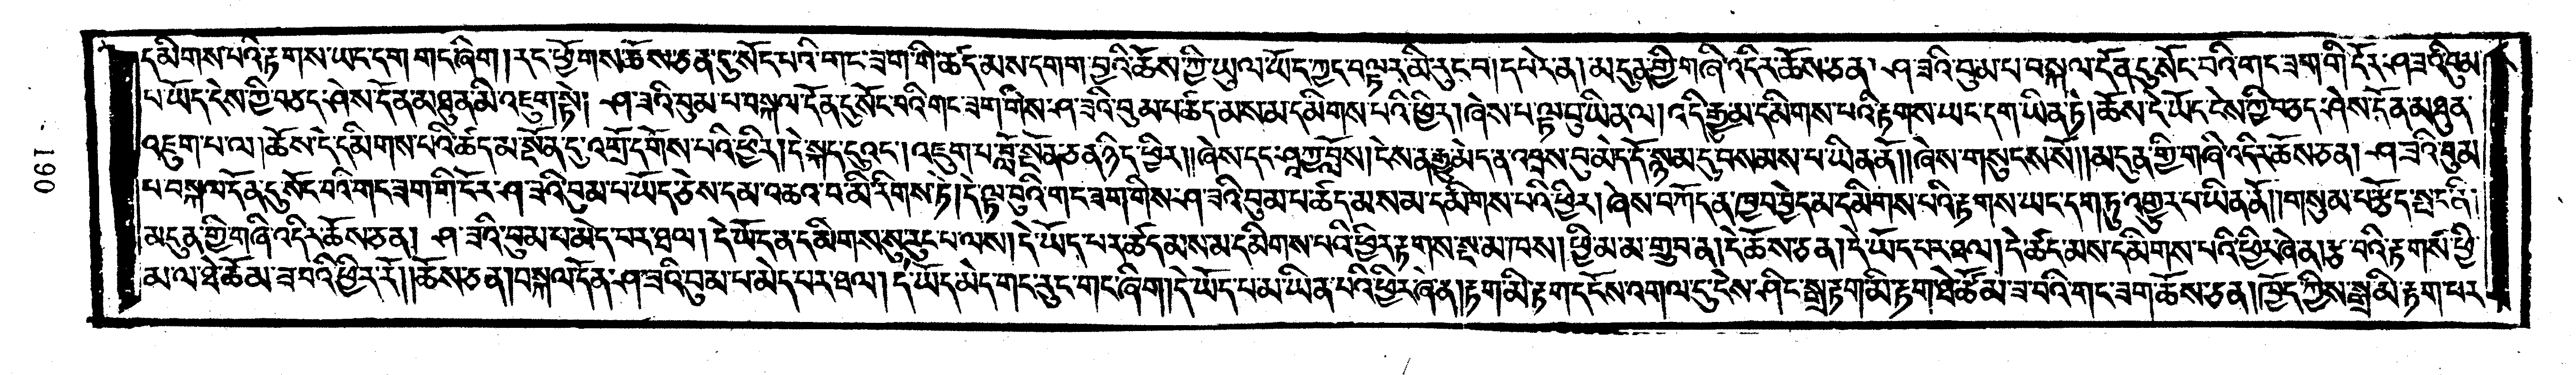དམིགས་པའི་རྟགས་ཡང་དག་གང་ཞིག །རང་ཕྱོགས་ཆོས་ཅན་དུ་སོང་བའི་གང་ཟག་གི་ཚད་མས་དགག་བྱའི་ཆོས་ཀྱི་ཡུལ་ཡོད་ཀྱང་བལྟར་མི་རུང་བ། དཔེར་ན། མདུན་གྱི་གཞི་འདིར་ཆོས་ཅན། ཤ་ཟའི་བུམ་པ་བསྐལ་དོན་དུ་སོང་བའི་གང་ཟག་གི་ངོར་ཤ་ཟའི་བུམ་
པ་ཡོད་ངེས་ཀྱི་བཅད་ཤེས་དོན་མཐུན་མི་འཇུག་སྟེ། ཤ་ཟའི་བུམ་པ་བསྐལ་དོན་དུ་སོང་བའི་གང་ཟག་གིས་ཤ་ཟའི་བུམ་པ་ཚད་མས་མ་དམིགས་པའི་ཕྱིར། ཞེས་པ་ལྟ་བུ་ཡིན་ལ། འདི་རྒྱུ་མ་དམིགས་པའི་རྟགས་ཡང་དག་ཡིན་ཏེ། ཆོས་དེ་ཡོད་ངེས་ཀྱི་བཅད་ཤེས་དོན་མཐུན་
འཇུག་པ་ལ། ཆོས་དེ་དམིགས་པའི་ཚད་མ་སྔོན་དུ་འགྲོ་དགོས་པའི་ཕྱིར། དེ་སྐད་དུའང་། འཇུག་པ་བློ་སྔོན་ཅན་ཉིད་ཕྱིར། །ཞེས་དང་ཤཱཀྱ་བློས། དེས་ན་རྒྱུ་མེད་ན་འབྲས་བུ་མེད་དོ་སྙམ་དུ་བསམས་པ་ཡིན་ནོ། །ཞེས་གསུངས་སོ། །མདུན་གྱི་གཞི་འདིར་ཆོས་ཅན། ཤ་ཟའི་བུམ་
པ་བསྐལ་དོན་དུ་སོང་བའི་གང་ཟག་གི་ངོར་ཤ་ཟའི་བུམ་པ་ཡོད་ཅེས་དམ་འཆའ་བ་མི་རིགས་ཏེ། དེ་ལྟ་བུའི་གང་ཟག་གིས་ཤ་ཟའི་བུམ་པ་ཚད་མས་མ་དམིགས་པའི་ཕྱིར། ཞེས་བཀོད་ན་ཁྱབ་བྱེད་མ་དམིགས་པའི་རྟགས་ཡང་དག་ཏུ་འགྱུར་བ་ཡིན་ནོ། །གསུམ་པ་རྩོད་སྤང་ནི།
མདུན་གྱི་གཞི་འདིར་ཆོས་ཅན། ཤ་ཟའི་བུམ་པ་མེད་པར་ཐལ། དེ་ཡོད་ན་དམིགས་སུ་རུང་བ་ལས། དེ་ཡོད་པར་ཚད་མས་མ་དམིགས་པའི་ཕྱིར་རྟགས་སྔ་མ་ཁས། ཕྱི་མ་མ་གྲུབ་ན། དེ་ཆོས་ཅན། དེ་ཡོད་པར་ཐལ། དེ་ཚད་མས་དམིགས་པའི་ཕྱིར་ཞེ་ན། རྩ་བའི་རྟགས་ཕྱི་
མ་ལ་ཐེ་ཚོམ་ཟ་བའི་ཕྱིར་རོ། །ཆོས་ཅན། བསྐལ་དོན་ཤ་ཟའི་བུམ་པ་མེད་པར་ཐལ། དེ་ཡོད་མེད་གང་རུང་གང་ཞིག། དེ་ཡོད་པ་མ་ཡིན་པའི་ཕྱིར་ཞེ་ན། རྟག་མི་རྟག་དངོས་འགལ་དུ་ངེས་ཤིང་སྒྲ་རྟག་མི་རྟག་ཐེ་ཚོམ་ཟ་བའི་གང་ཟག་ཆོས་ཅན། ཁྱོད་ཀྱིས་སྒྲ་མི་རྟག་པར་